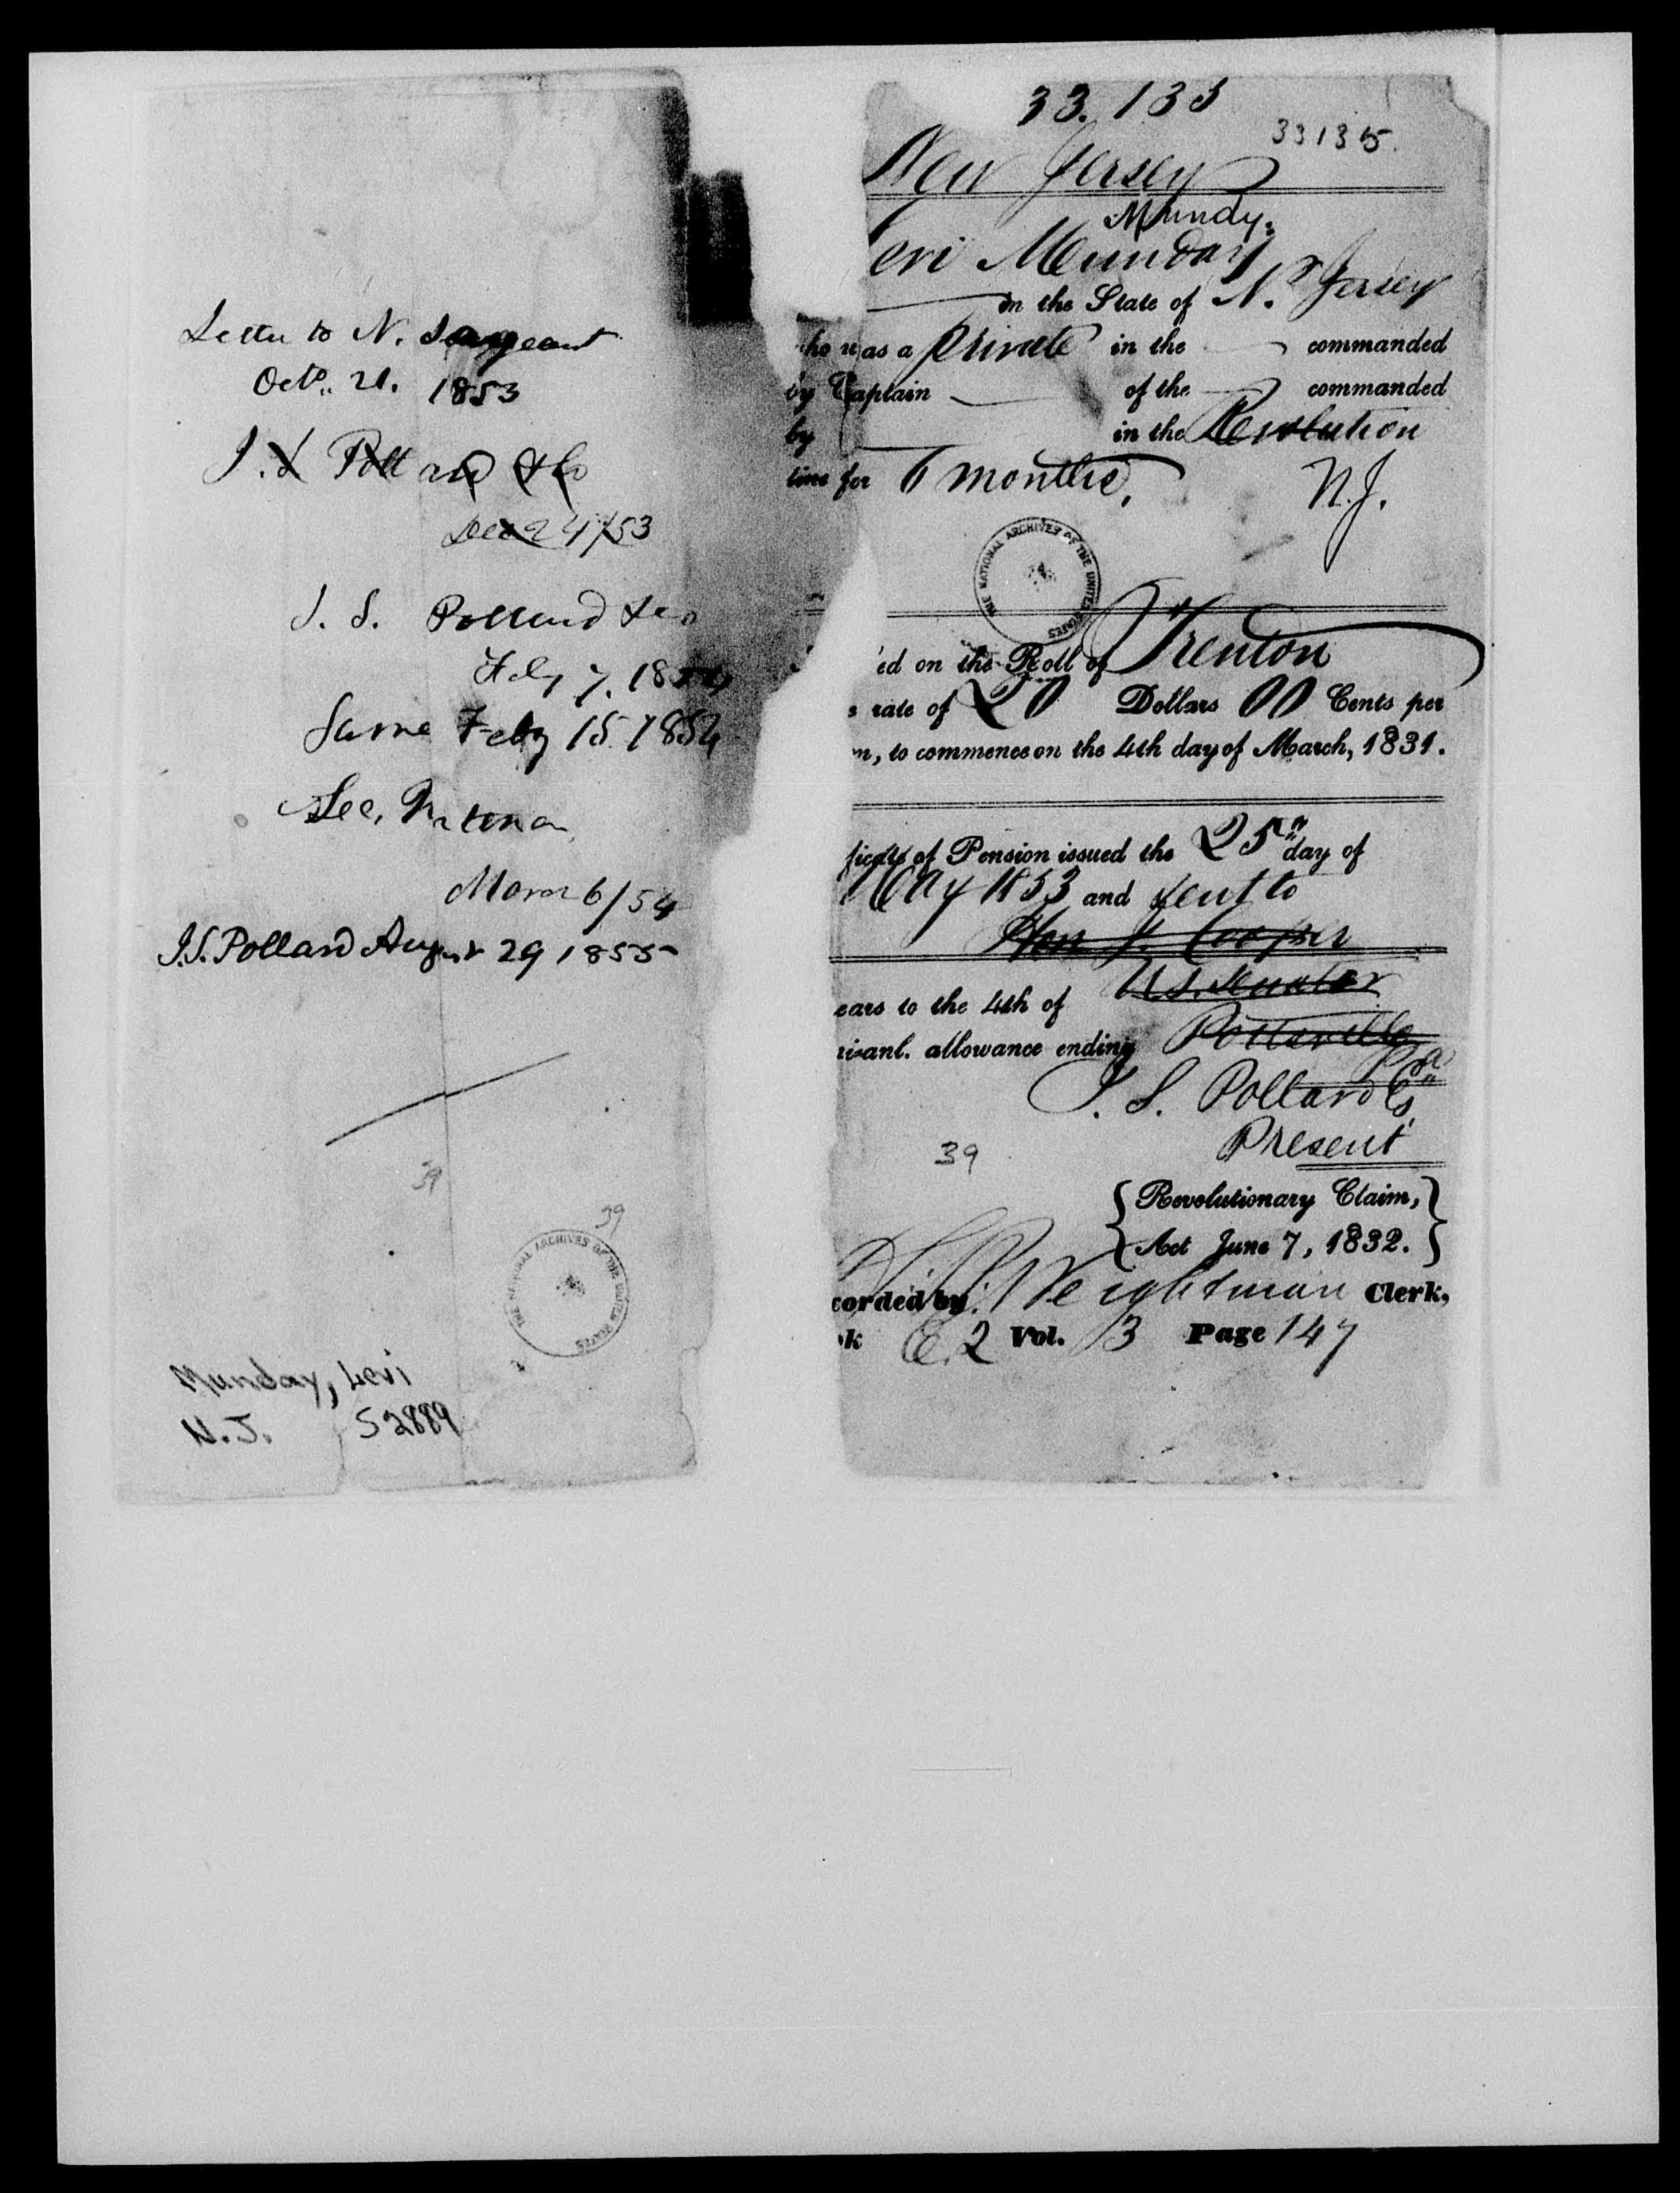Letter to N. Sergeant, Oct. 21, 1853

[crossed out: J.S. Pollard & co., Dec 24/'53]

J.S. Pollard & co., Feb. 7, 1854
Same Feb. 15, 1854

See [illegible]

March 6/'54

J.S. Pollard, August 29, 1855

Mundy, Levi
N.J. S.2889

33.135 | 33.135

New Jersey
Mundy
Levi Mundy of (blank) in the State of N.Jersey who was a private in the (blank) commanded by Captain (blank) of the (blank) commanded by (blank) in the Revolution line for 6 months. N.J.

Inscribed on the Roll of Trenton at the rate of 20 Dollars (blank) Cents per annum to commence on the 4th day of March, 1831.

Certificate of Pension issued the 25th day of May 1853 and sent to [crossed out: Hon. J. Cooper, U.S. Senator] J.S. Pollard, Esq., present.

Arrears to the 4th (blank) 
Semi-anl. allowance ending (blank) 
                                   
{Revolutionary Claim Act June 7, 1832}

Recorded by S.R. Weightman, Clerk 

Book C2; Vol. 3; Page 147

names: J Cooper; Levi Mundy; J S Pollard; S R Weightman; Levi Munday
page: 2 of 95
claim: survivor's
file: S 2889, for Levi Mundy, New Jersey